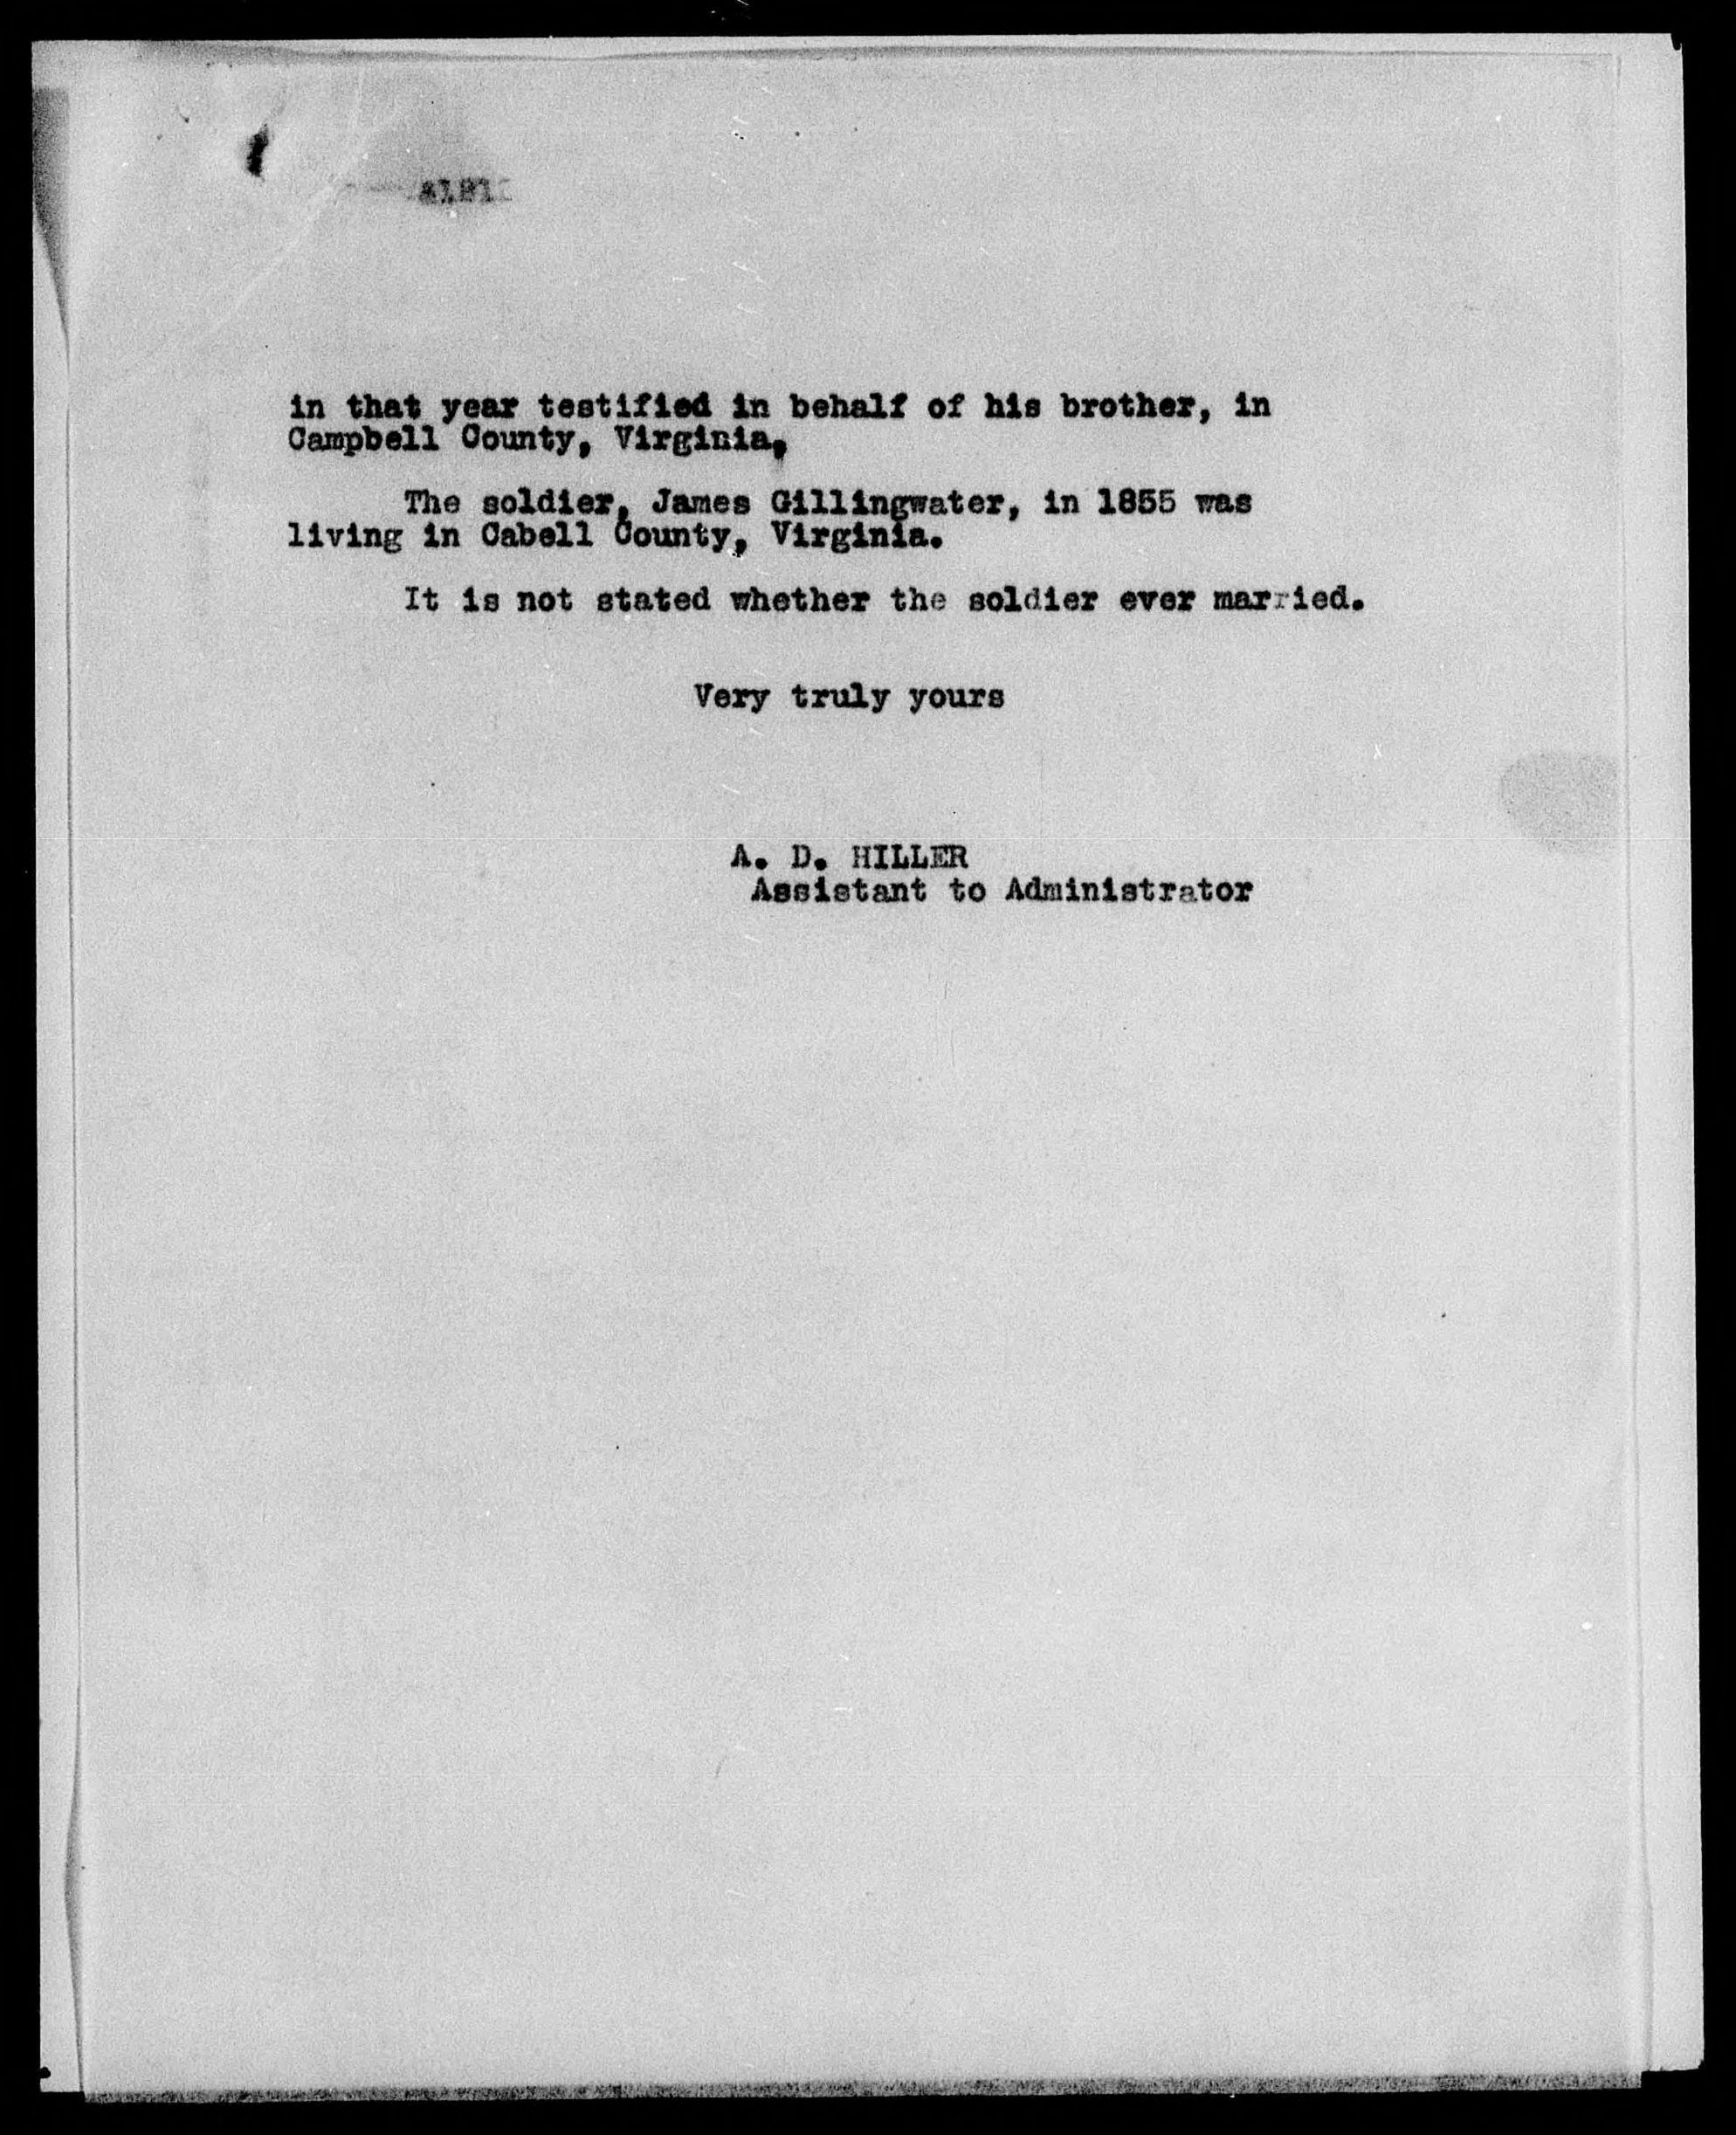in that year testified in behalf of his brother, in Campbell County, Virginia.

The soldier, James Gillingwater, in 1855 was living in Cabell County, Virginia.

It is not stated whether the soldier ever married.

Very truly yours

A. D. HILLER
Assistant to Administrator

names: James Gillingwater, A D Hiller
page: 17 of 36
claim: survivor's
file: S. 39570, James Gillingwater, Va.